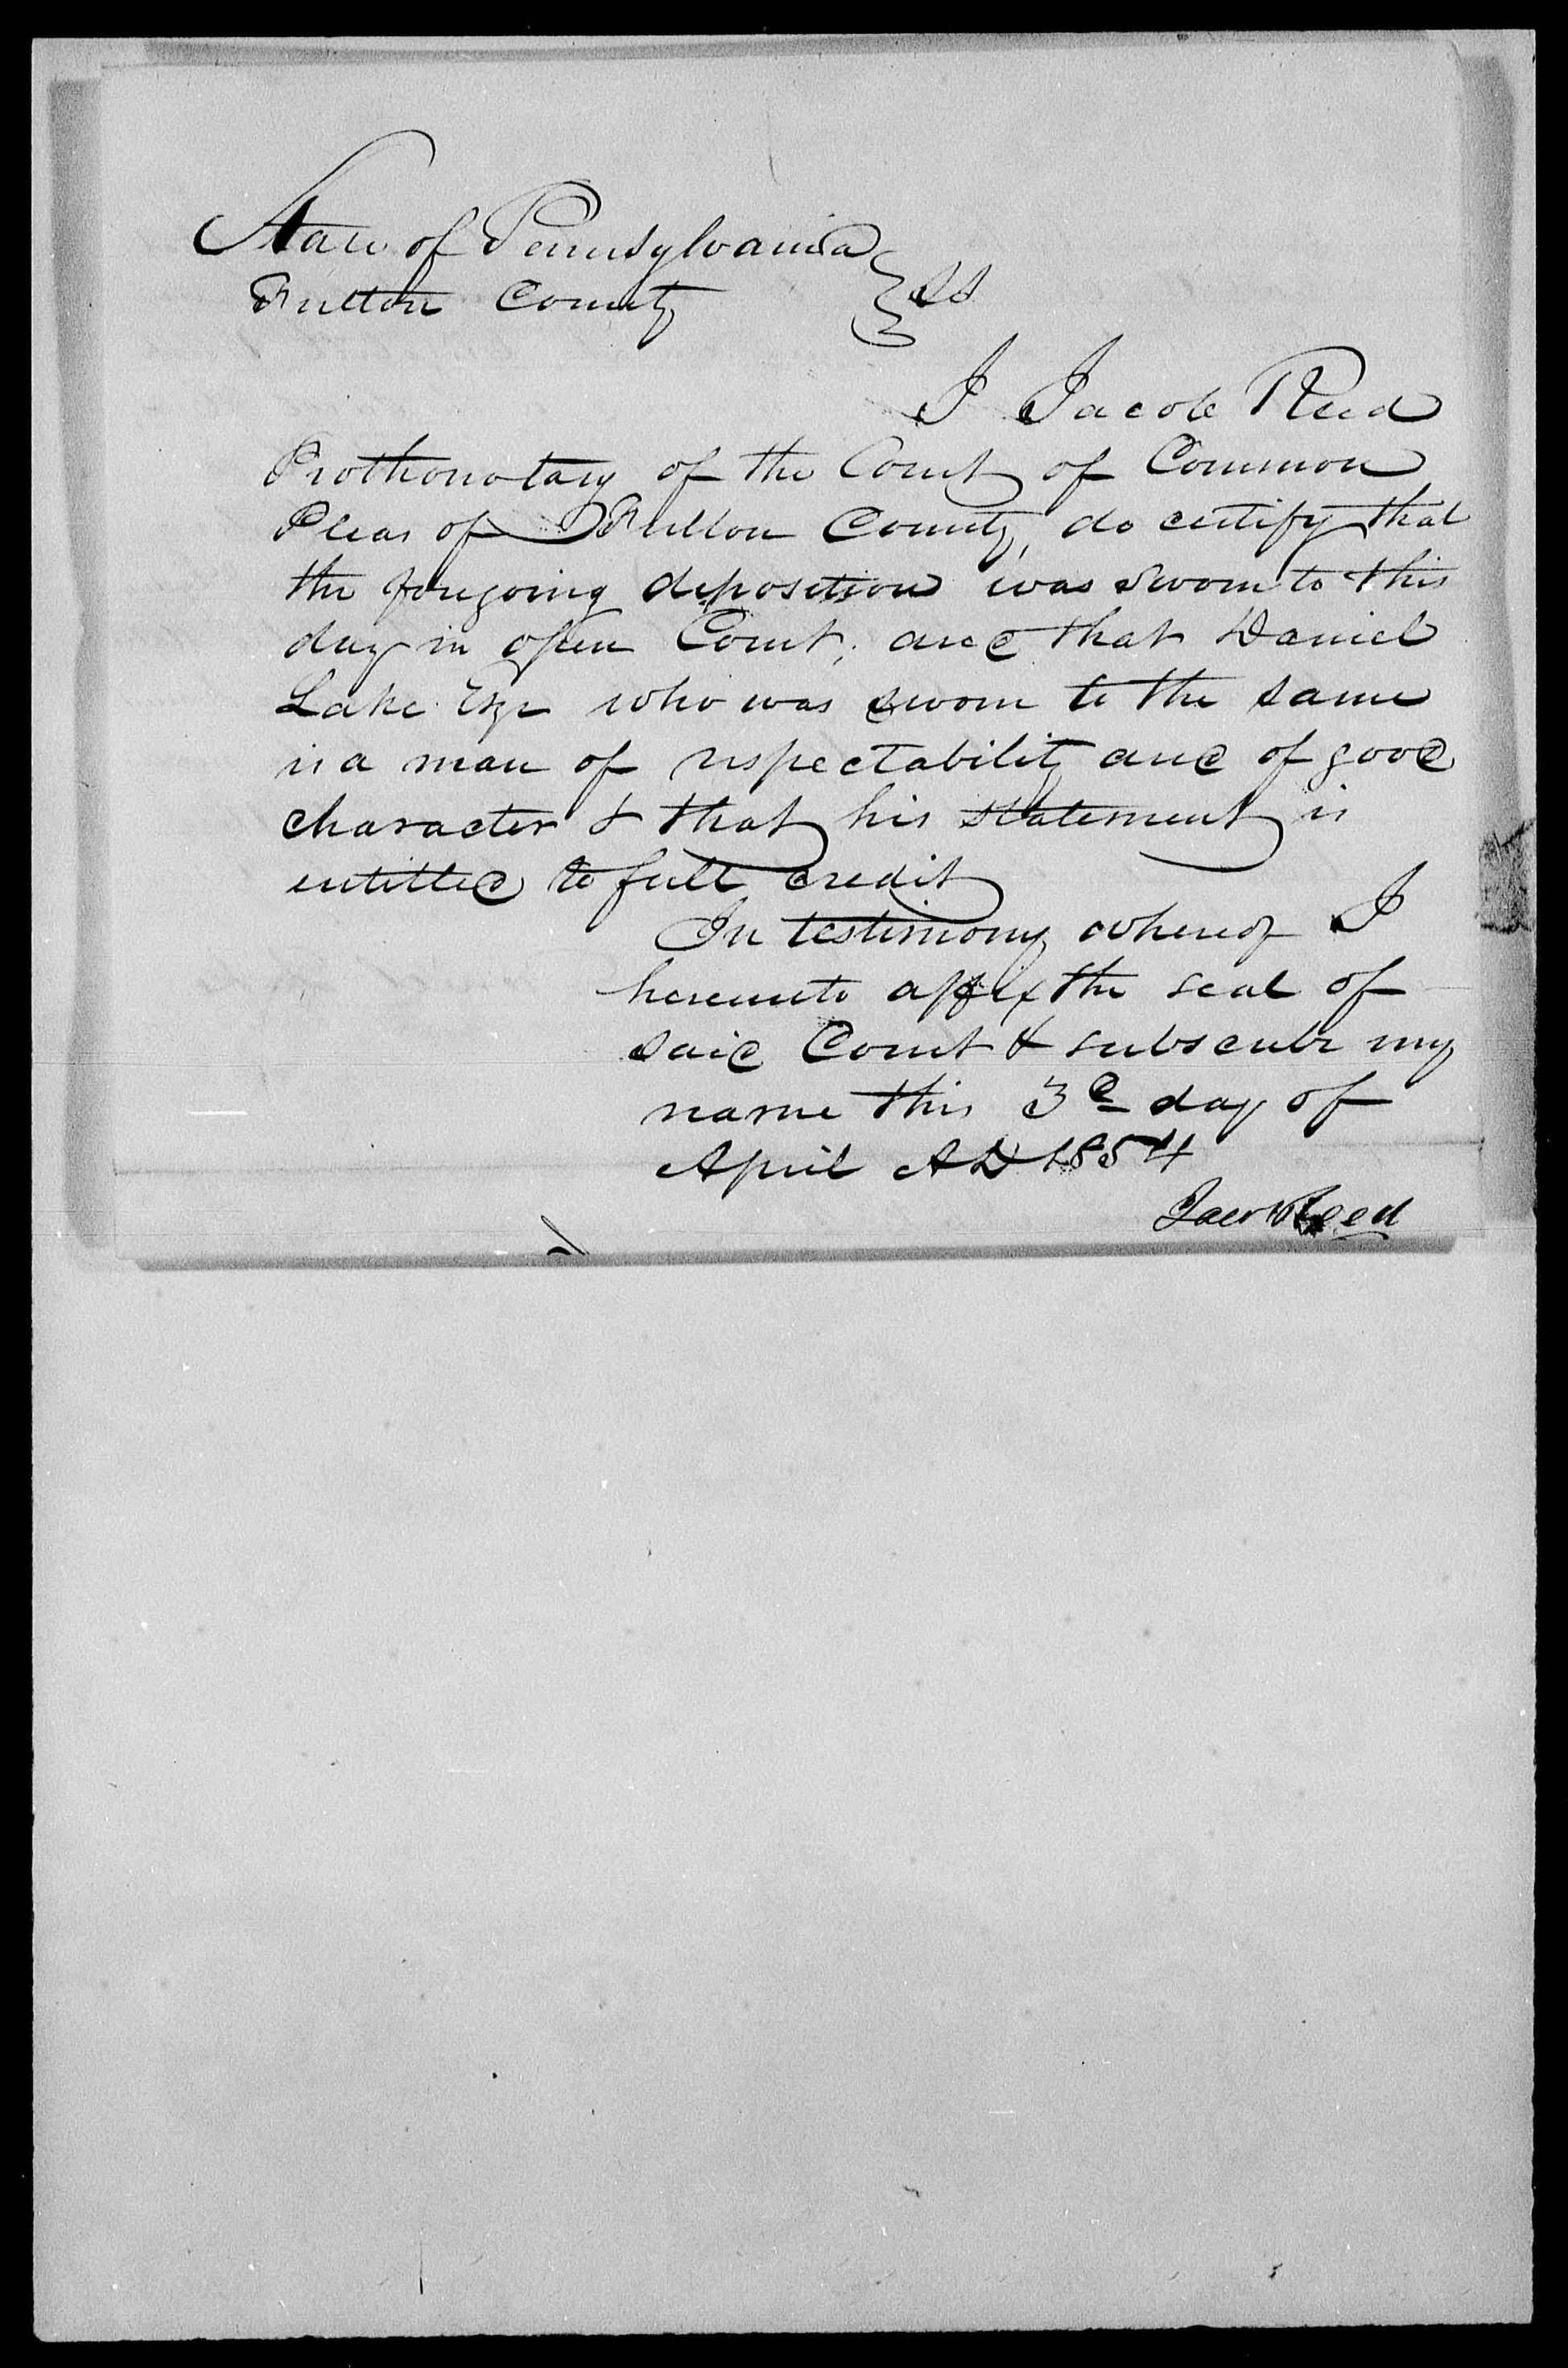State of Pennsylvania
Fulton County ss
I Jacob Reed
Prothonotary of the Court of Common
Pleas of Fulton County, do certify that the
foregoing deposition was sworn to this
day in open Court and that Daniel
Lake Esqr who was sworn to the same
is a man of respectability and of good
character & that his statement is
entitled to full credit
In testimony whereof I
hereunto affix the seal of
said Court & subscribe my
name this 3d day of
April A D 1854
Jacob Reed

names: Daniel Lake, Jacob Reed, Jacob Reed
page: 10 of 35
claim: rejected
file: R. 2,650, Daniel Daniels, Penn.